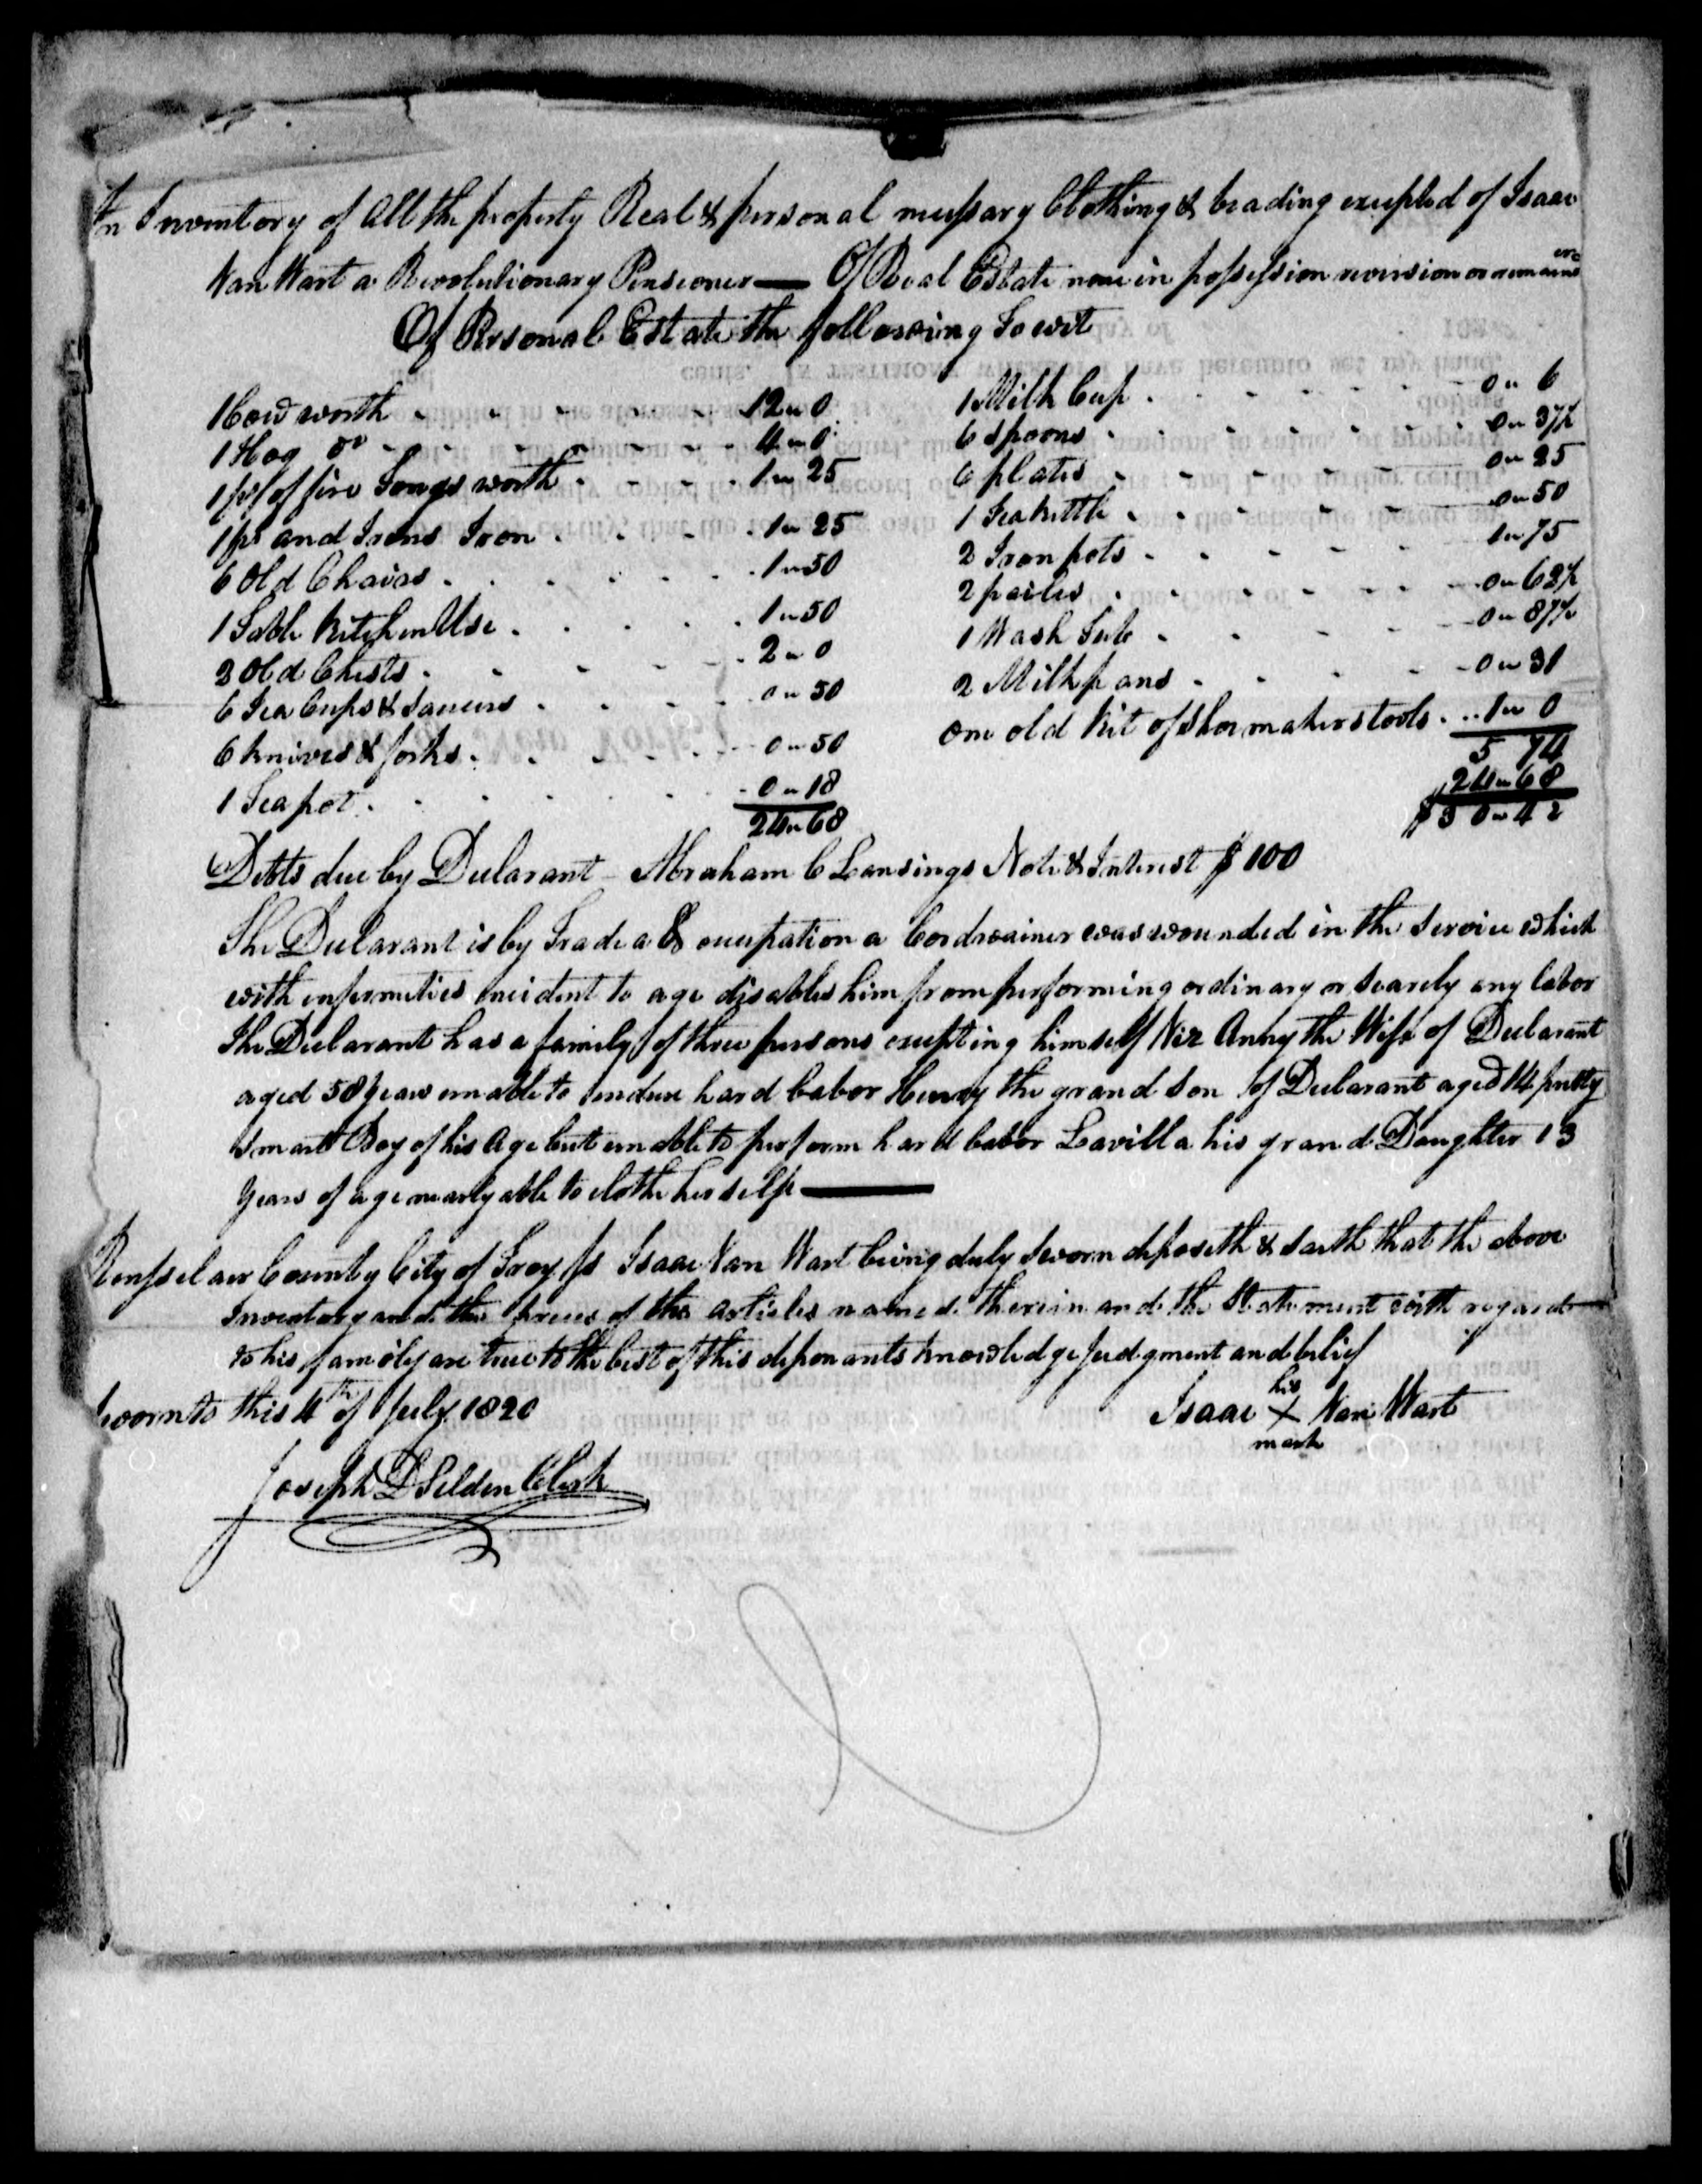Inventory of all the property Real & personal necessary clothing & bedding excepted of Isaac Van Wart a Revolutionary Pensioner - Of Real Estate now in possession [illegible] 
Of Personal Estate the following To wit
1 cow worth 12.0 | 1 Milk Cup  0.6
1 Hog  4.0  | 6 spoons  0.37 ½
1 pr of fire Tongs worth 1.25  |  6 plates 0.25
1 pr andirons Iron 1.25  |  1 teakettle  0.50
6 old Chairs  1.50  |  2 Iron pots  1.75
1 Table Kitchen Use  1.50  |  2 pailes  0.63 ½
2 old chests 2.0  |  1 Wash Tub  0.8 ½
6 Tea Cups & Saucers  0.50  |  2 Milkpans  0.31
6 knives & forks 0.50  |  one old kit of shoemakers tools 1.0
1 teapot 0.18
[totaled to] $30.42
Debts due by Declarant Abraham C Lansings Note & Interest $100 
The Declarant is by trade & occupation a Cordwainer was wounded in the service which with infirmities incident to age disabled him from performing ordinary or scarcely any labor The Declarant has a family of three persons excepting himself viz Anny [Amy] the Wife of Declarant aged 50 years unable to endure hard labor Henry the grand son of Declarant aged 14 pretty Smart Boy of his age but unable to perform hard labor Lavilla his grand Daughter 13 years of age nearly able to clothe herself –
Rensselaer County City of Troy ss Isaac Van Wart being duly sworn deposeth & saith that the above Inventory and the prices of the articles named therein and the statement with regards to his family are true to the best of this deponants knowledge judgment and belief 
[signed] Isaac Van Wart X his mark
Sworn to this 4th of July 1820
[signed] Joseph D Selden Clerk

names: Joseph D Selden, Isaac Van Wart, Abraham C Lansings, Isaac Van Wart, Isaac Van Wart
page: 9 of 102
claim: widow's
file: W. 18239, Isaac Van Wart, New York